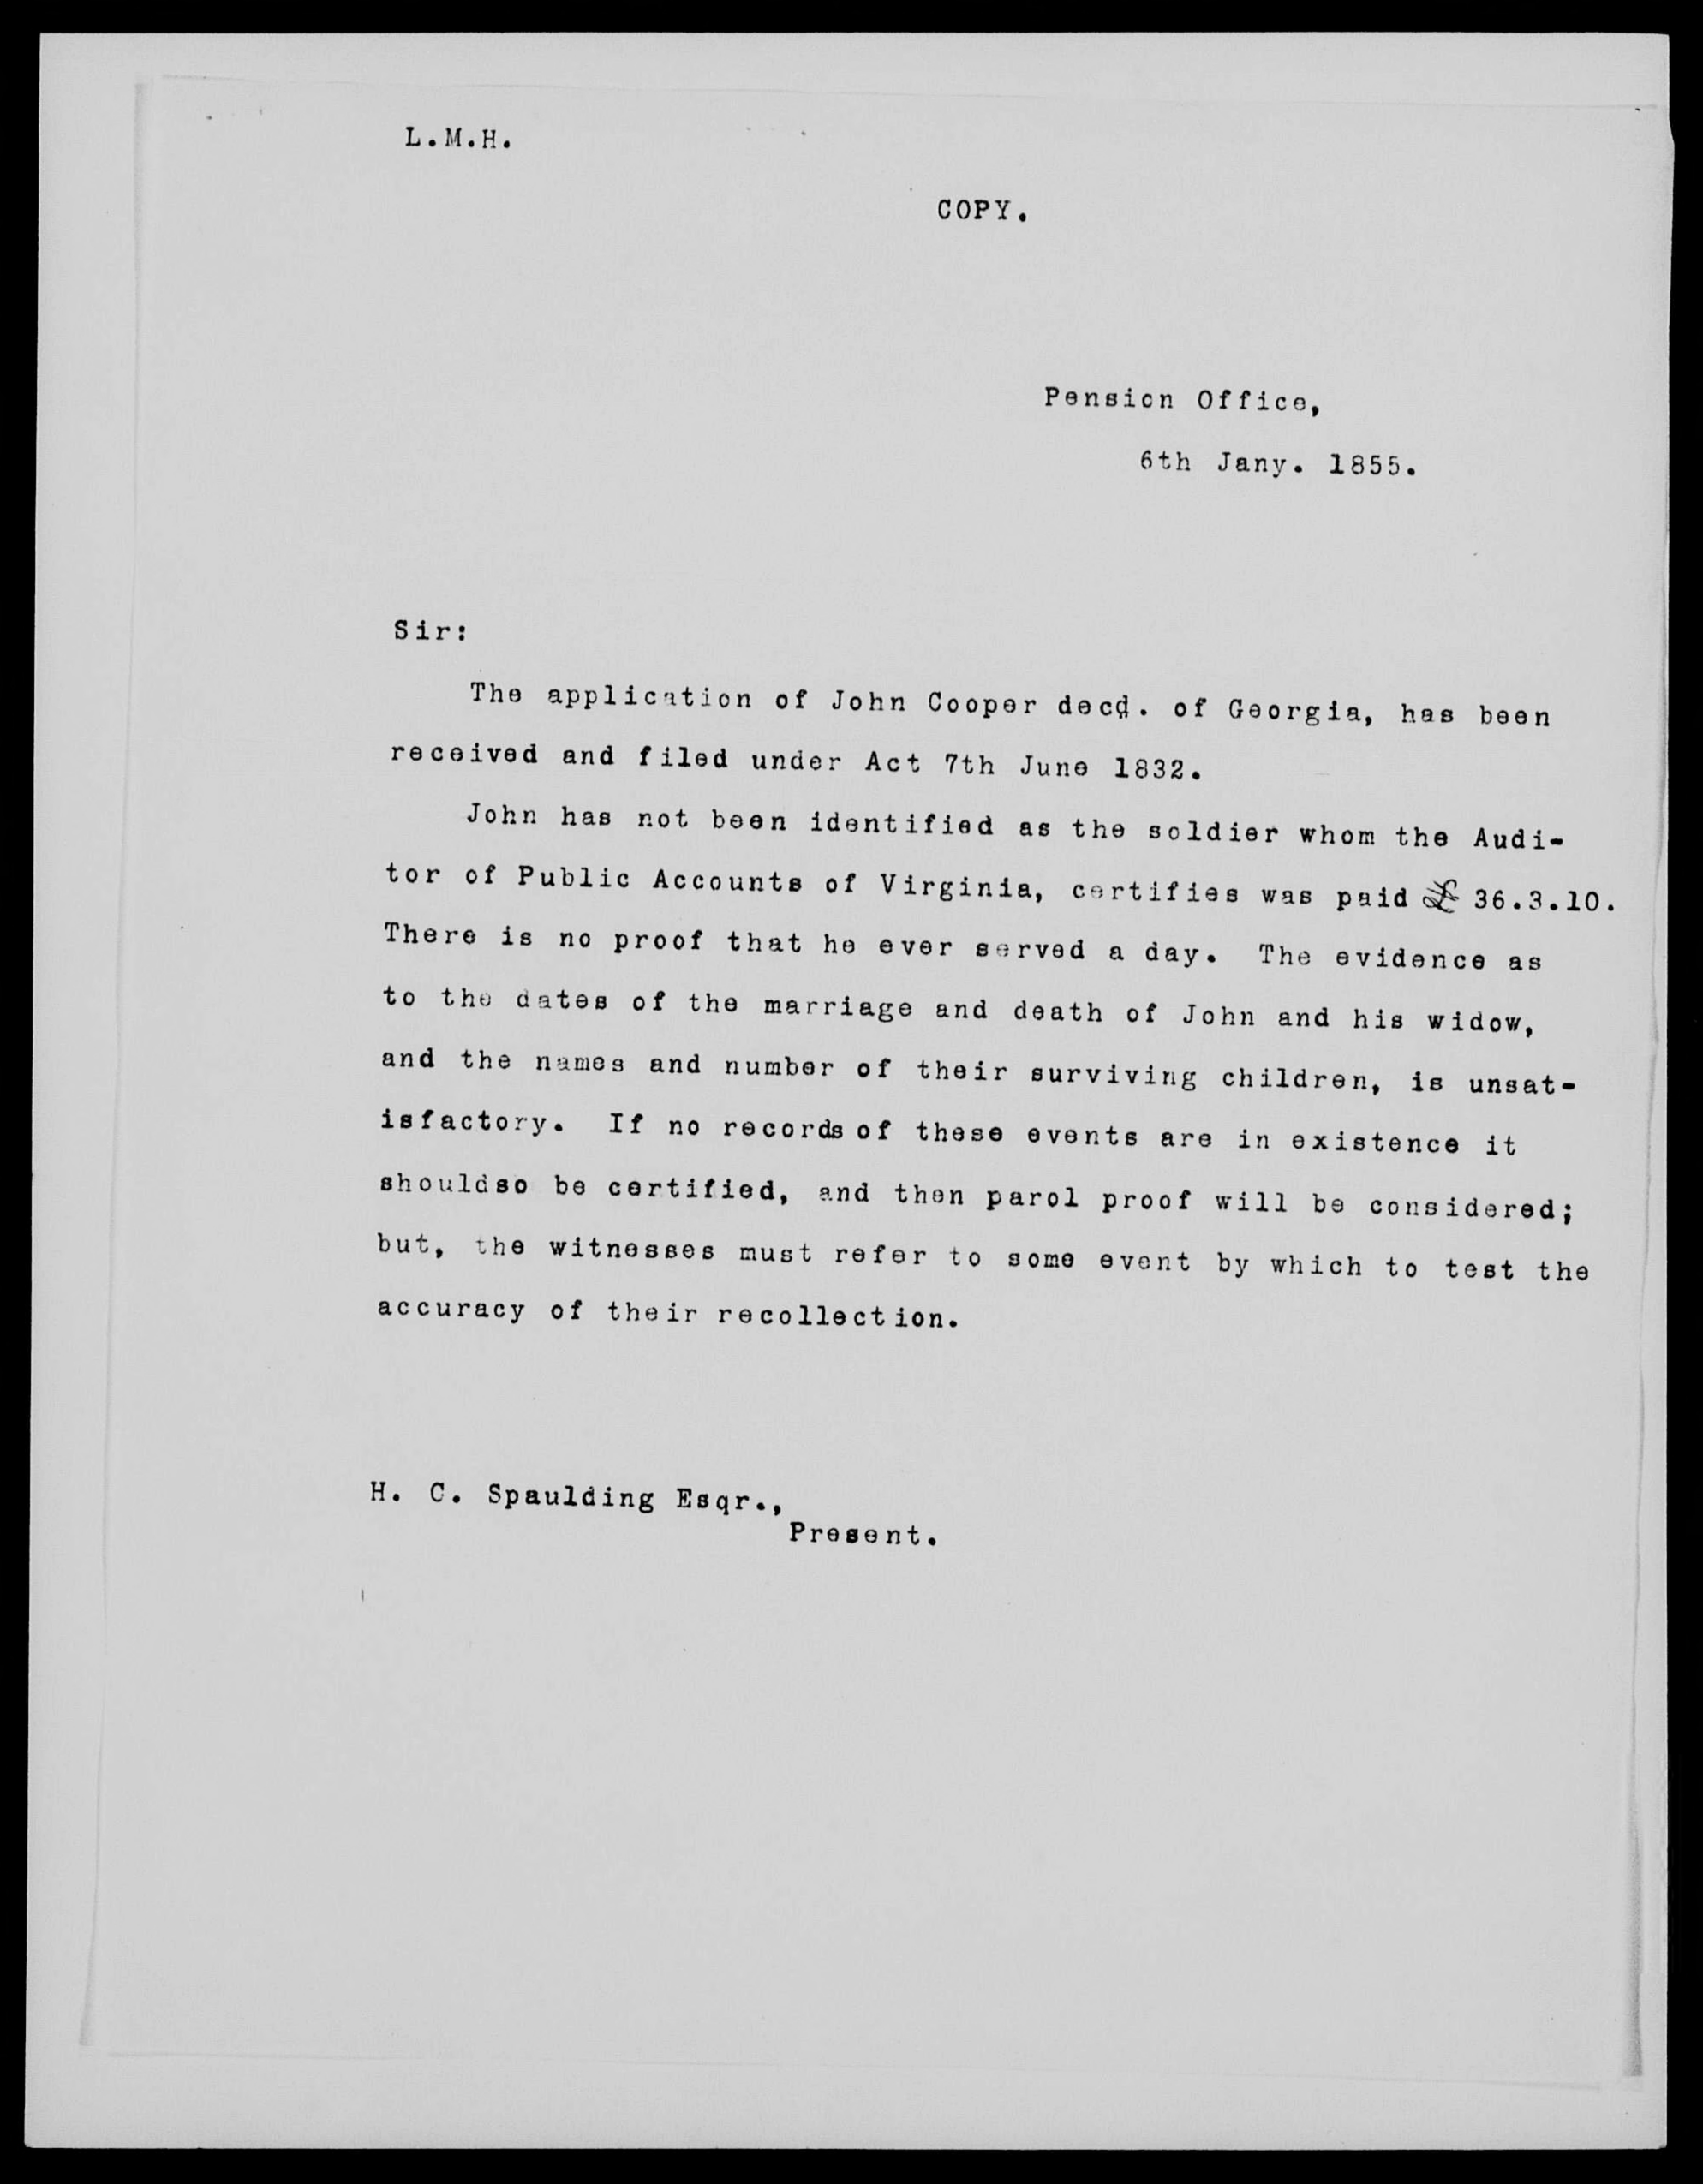L. M. H.
COPY
Pension Office, 6th Jany. 1855.

Sir:
The application of John Cooper decd. of Georgia, has been received and filed under Act 7th June 1832.

John has not been identified as the soldier whom the Auditor of Public Accounts of Virginia, certifies was paid 36.3.10. There is no proof that he ever served a day. The evidence as to the dates of the marriage and death of John and his widow, and the names and number of their surviving children, is unsatisfactory. If no records of these events are in existence it should so be certified, and then parol proof will be considered; but, the witnesses must refer to some event by which to test the accuracy of their recollection.

H. C. Spaulding Esqr., Present.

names: John, John Cooper, H C Spaulding, John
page: 10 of 17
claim: rejected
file: R. 2,300, John Cooper, Va.